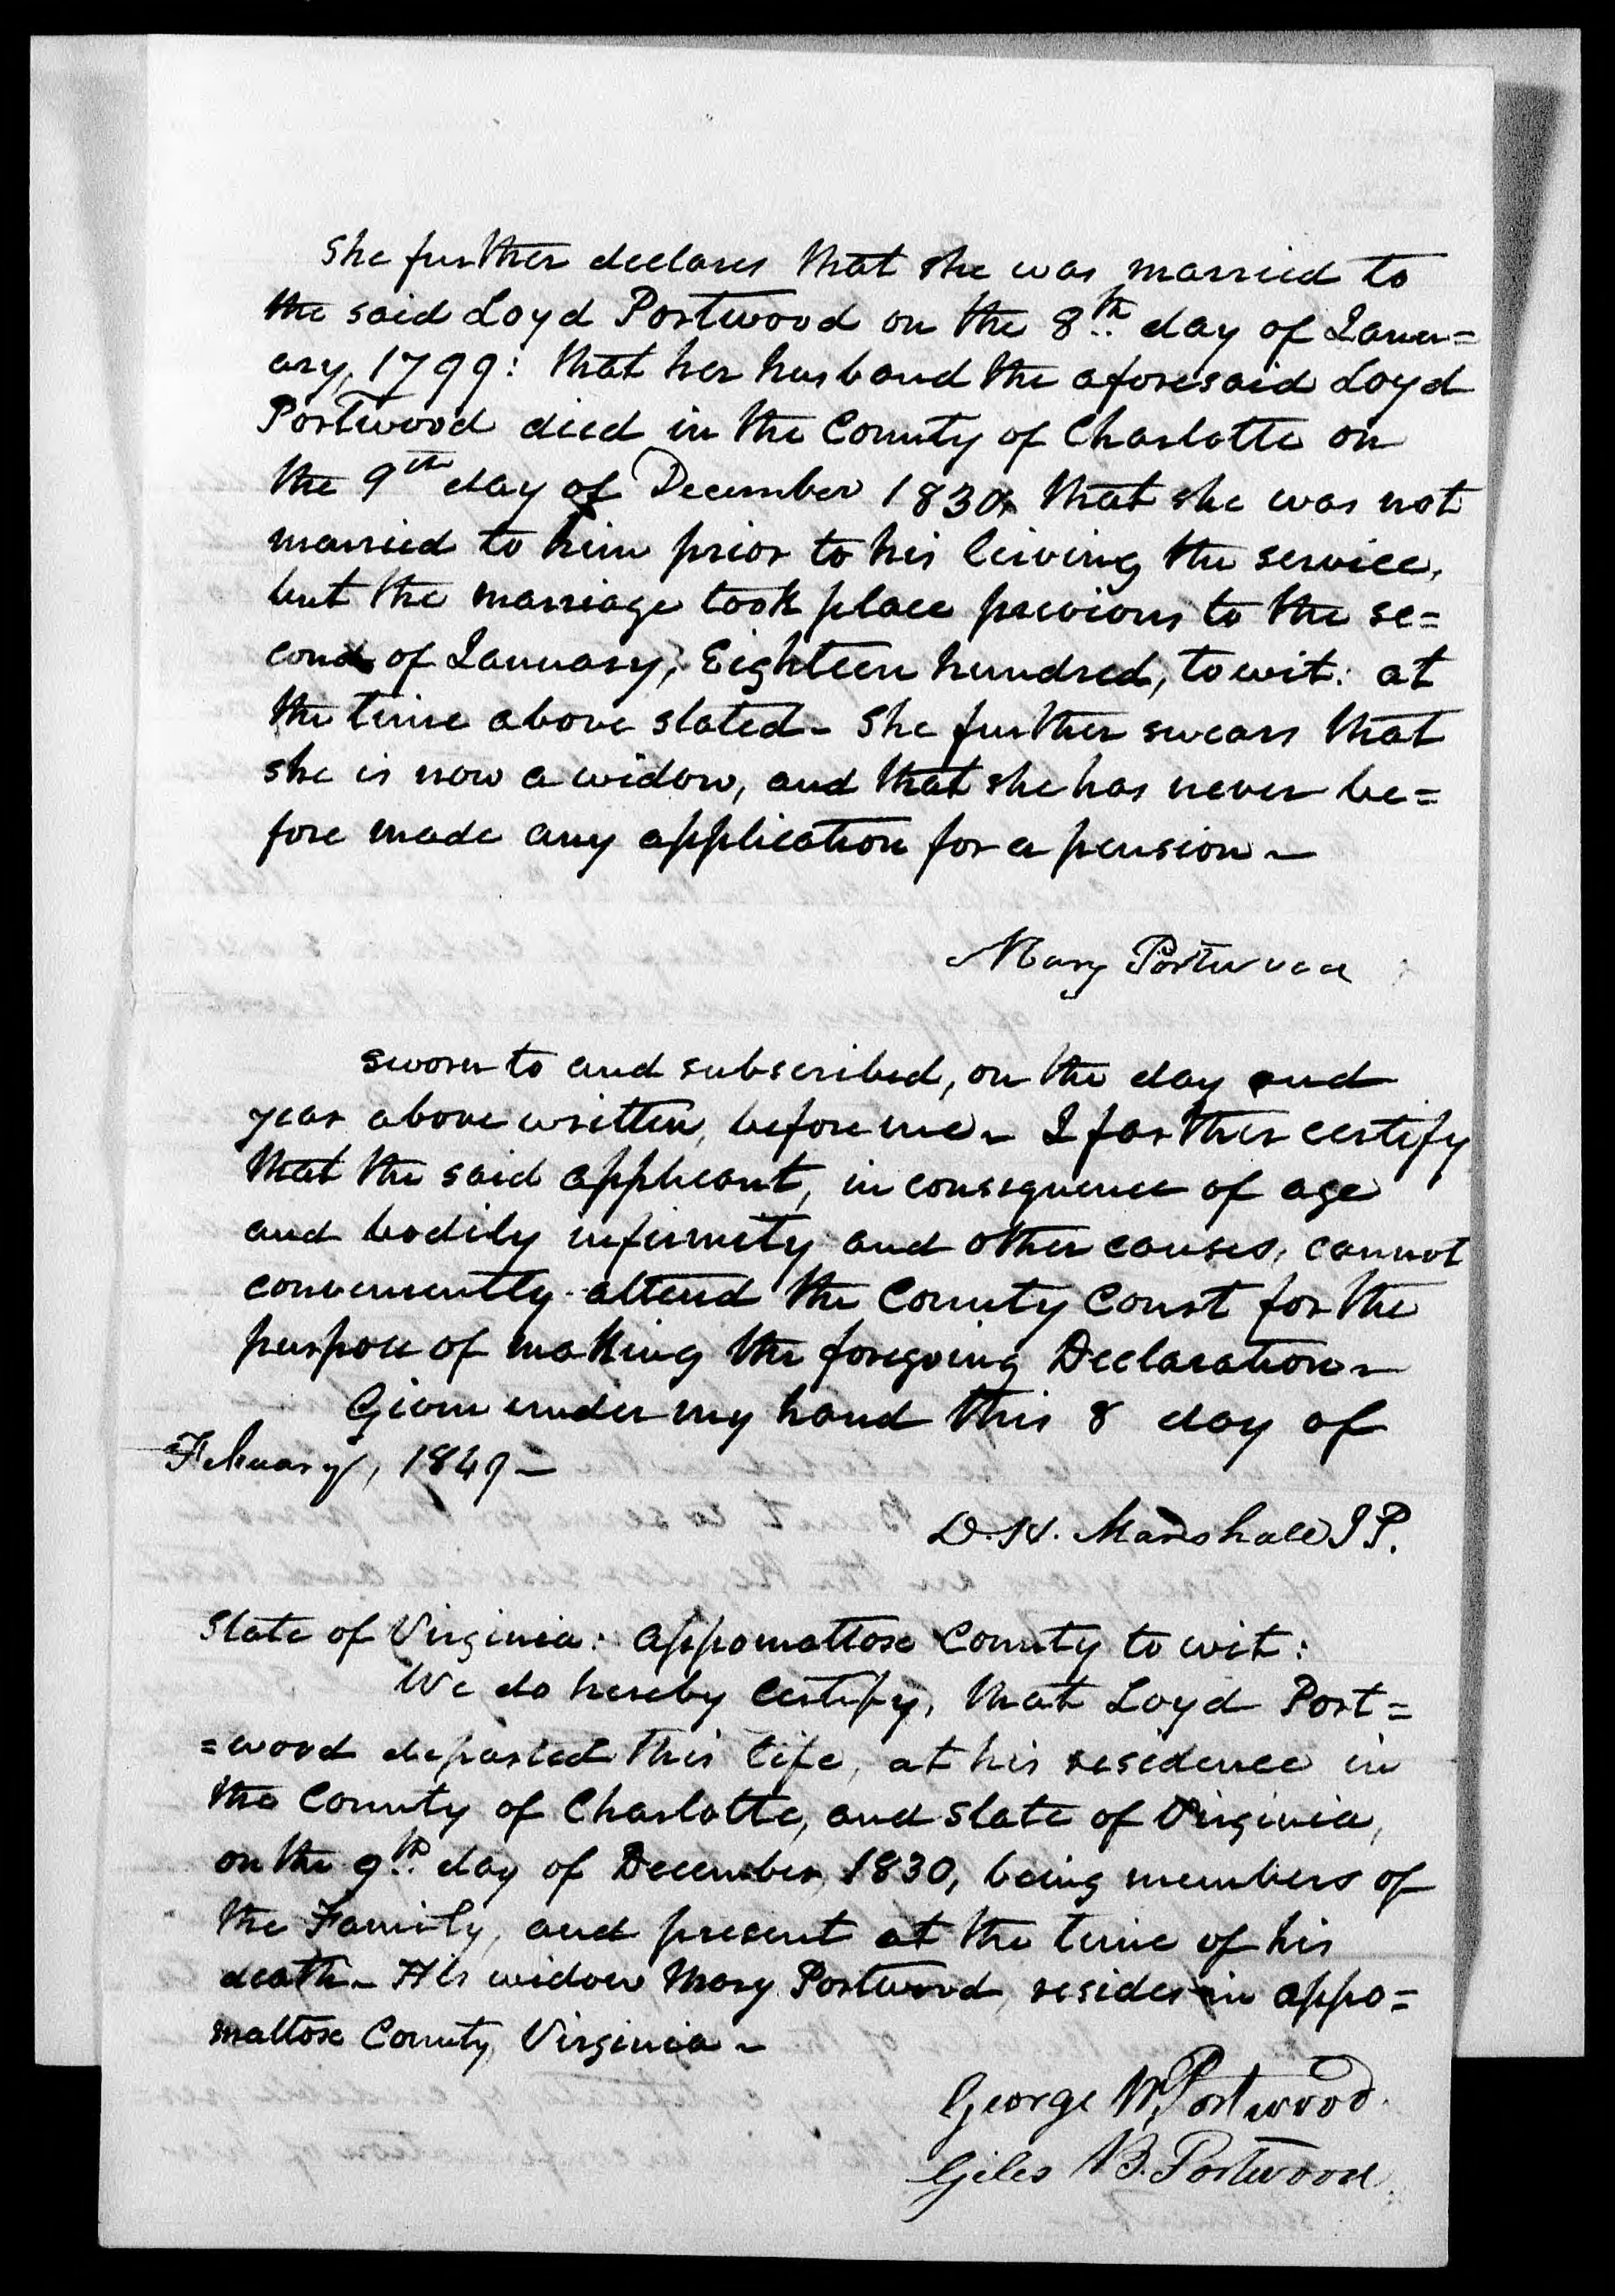She further declares that she was married to
the said Loyd Portwood on the 8th day of Januany,
1799: that her husband the aforesaid Loyd
Portwood died in the County of Charlotte on
the 9th day of December 1830, that she was not
married to him prior to his leiving the service,
but the marriage took place previous to the second 
of January, Eighteen hundred, to wit: at
the time above stated. She further swears that
she is now a widow, and that she has never before
made any application for a pension.
Mary Portwood
Sworn to and subscribed, on the day and
year above written, before me. I further certify
that the said applicant, in consequence of age
and bodily infirmity and other causes, cannot
conveniently attend the County Court for the
purpose of making the foregoing Declaration.
Given under my hand this 8 day of
February, 1849.
| D.H. Marshall JP.
State of Virginia: Appomattox County to wit:
We do hereby certify, that Loyd Portwood 
departed this life, at his residence in
the County of Charlotte, and state of Virginia,
on the 9th day of December 1830, being members of
the Family, and present at the time of his
death. His widow Mary Porter, resides in Appomattox
County, Virginia.
George W. Portwood.
Giles B. Portwood.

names: Loyd Portwood; D H Marshall; Giles B Portwood; Mary Portwood; George W Portwood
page: 5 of 50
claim: widow's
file: W. 1929, for Lloyd Portwood, Virginia